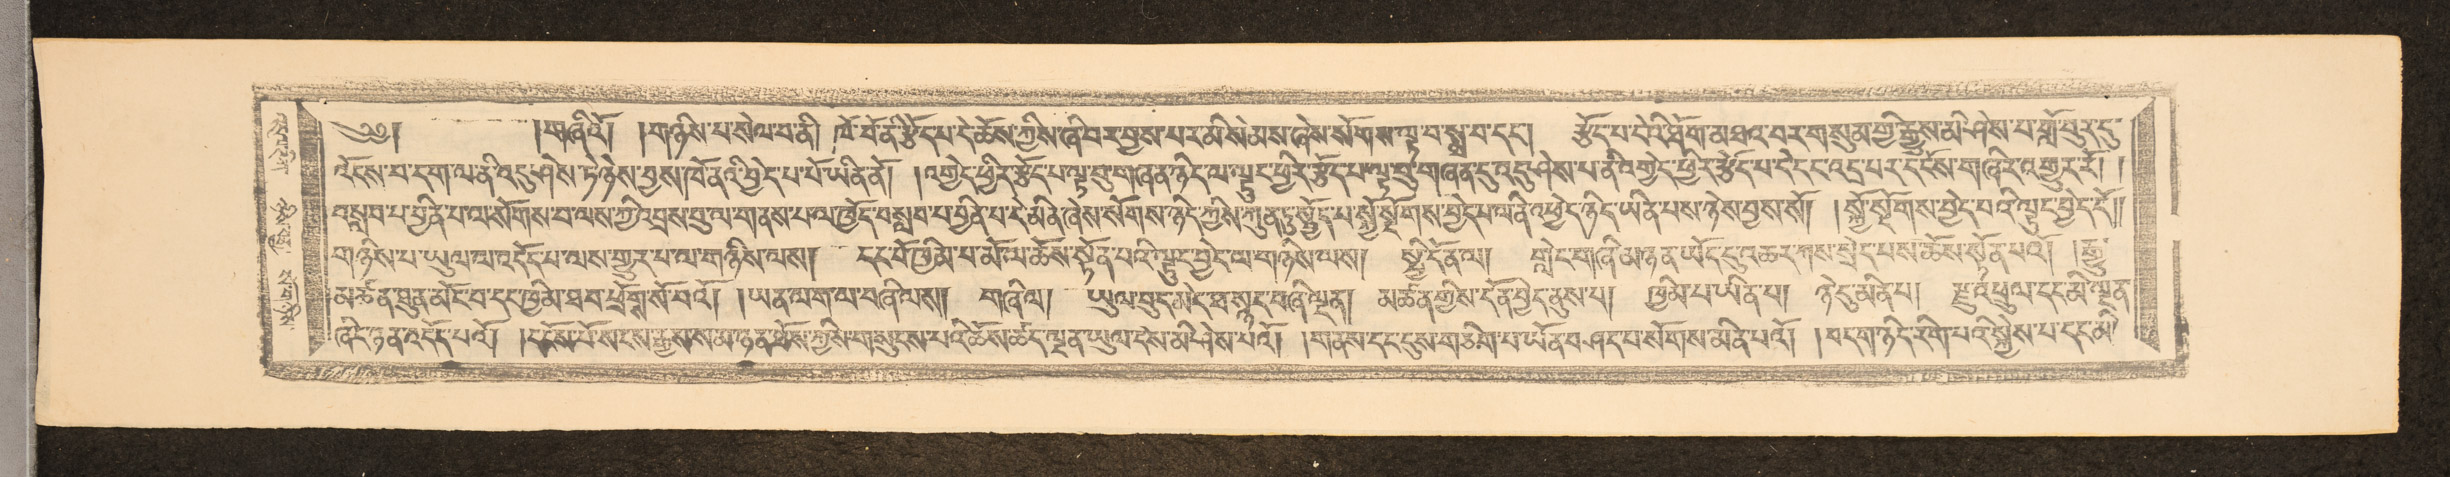༄༅། །གཞིའོ། །གཉིས་པ་སེལ་བ་ནི། ཁོ་བོ་ནི་རྩོད་བ་དེ་ཆོས་ཀྱིས་ཞི་བར་བྱས་པར་མི་སེམས་ཞེས་སོགས་ལྟ་བ་སྨྲ་པ་དང་། རྩོད་པ་དེའི་ཐོག་མཐའ་བར་གསུམ་གྱི་རྒྱུས་མི་ཤེས་པ་གློ་བུར་དུ་
འོདས་པ་དག་ལ་ནི་འདུ་ཤེས་ཏེ་ཉེས་བྱས་ཁོ་ནའི་བྱེད་པ་པོ་ཡིན་ནོ། །འགྱེང་ཕྱིར་རྩོད་པ་ལྟ་བུ་གཞན་ཉིད་ལ་ལྟུང་ཕྱིར་རྩོད་པ་ལྟ་བུ་གཞན་དུ་འདུ་ཤེས་པ་ནི་འགྱེད་ཕྱིར་རྩོད་པ་དེ་དང་འདྲ་བར་དངོས་གཞིར་འགྱུར་རོ། །
བསླབ་པ་བྱིན་པ་ལ་སོགས་པ་ལས་ཀྱི་འབྲས་པུ་ལ་གནས་པ་ལ་ཁྱོད་བསླབ་པ་བྱིན་པ་དེ་མིན་ཞེས་སོགས་ཉིད་ཀྱིས་ཀུན་ཏུ་སྦྱོད་པ་སྐྱོ་སྡོགས་བྱེད་པ་ལ་ནི་འཕྱེད་ཉིད་ཡིན་པས་ཉེས་བྱས་སོ། །སྐྱོ་སྡོགས་བྱེད་པའི་ལྟུང་བྱེད་དོ།།
གཉིས་པ་ཡུལ་ལ་འདོད་པ་ལས་གྱུར་པ་ལ་གཉིས་ལས། དང་པོ་ཁྱིམ་པ་མོ་ལ་ཆོས་སྟོན་པའི་ལྟུང་བྱེད་ལ་གཉིས་ལས། སྤྱི་དོན་ལ། གླེང་གཞི་མཉན་ཡོད་དུ་འཆར་ཀས་སྲོད་པས་ཆོས་སྟོན་པའོ། །རྒྱུ་
མཚན་ཐུན་མོད་བ་དང་ཁྱིམ་ཐབ་ཕྲོགས་སོ་བའོ། །ཡན་ལག་ལ་བཞི་ལས། གཞི་ལ། ཡུལ་བུང་མེད་ཐ་སྙད་བཞི་ལྡན། མཚན་གྱིས་དོན་བྱེད་ནུས་བ། ཁྱིམ་པ་ཡིན་པ། ཉེ་དུ་མིན་པ། རྫུ་འཕྲུལ་དང་མི་ལྡན་
ཞིད་ཉན་འདོད་པའོ། །དངོས་པོ་སངས་རྒྱས་སམ་ཉན་ཐོས་ཀྱིས་གསུངས་པའི་ཆོས་ཚད་ལྔན་ཡུལ་ངེས་མི་ཤེས་པའོ། །གནས་དང་དུས་གཅིག་པ་མོན་བཤད་པ་སོགས་མིན་པའོ། །བདག་ཉིད་རིག་པའི་སྐྱེས་པ་དང་མི་